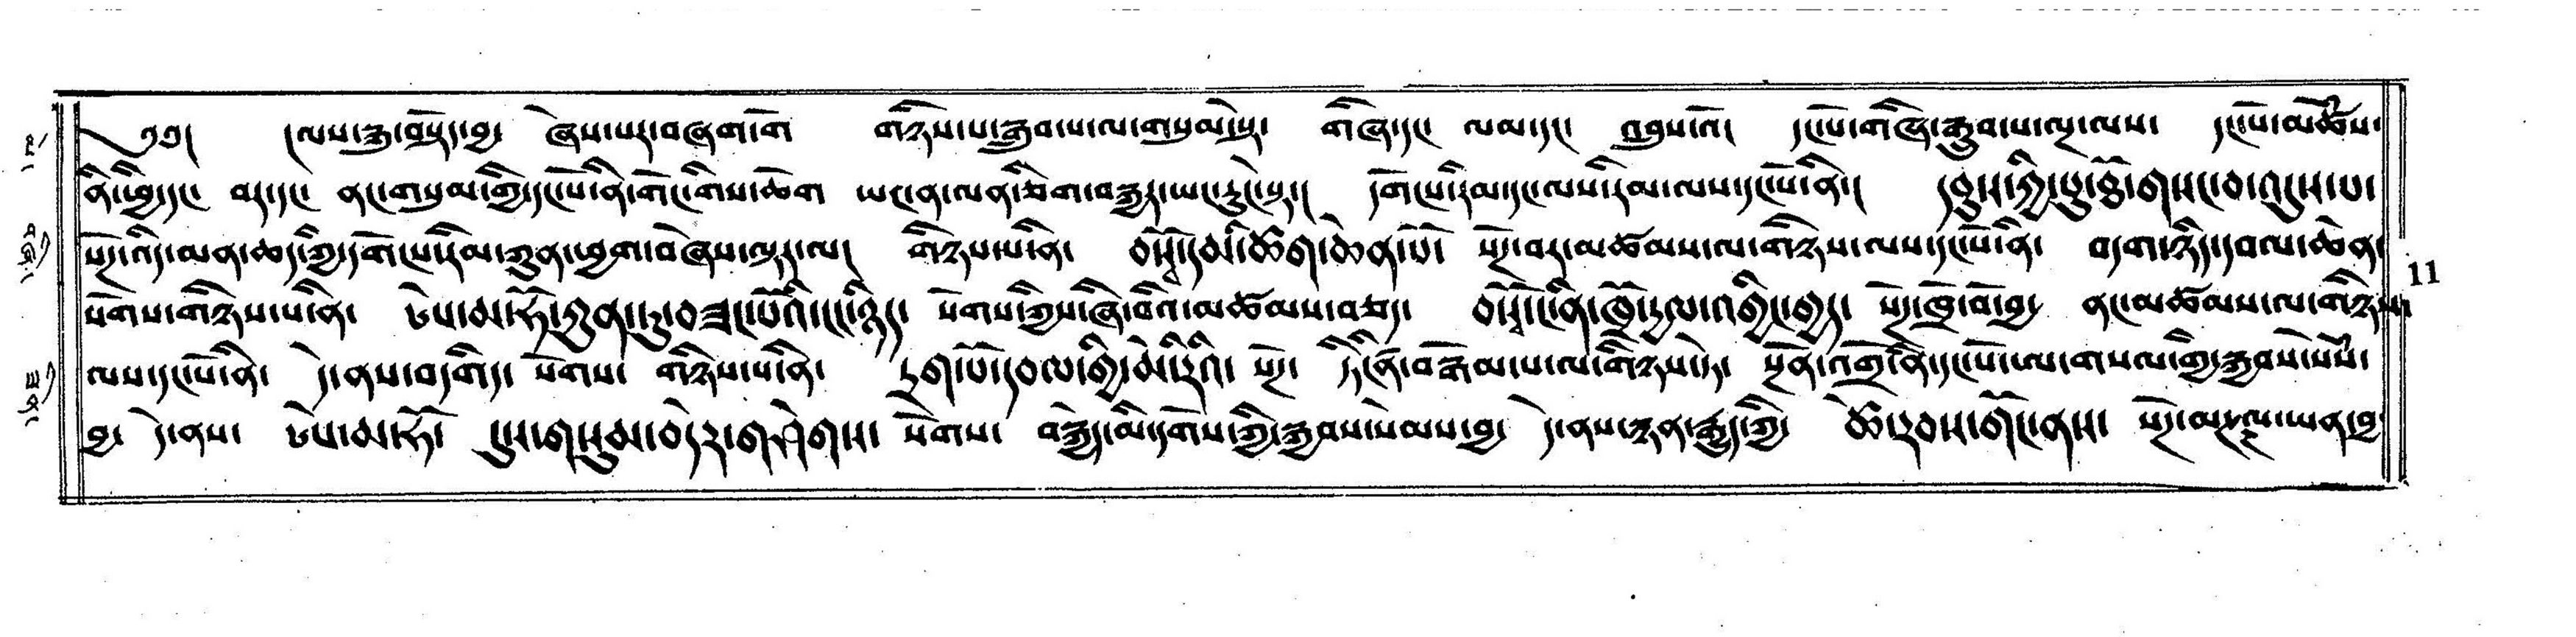ལས་སྐུ་བསྟོད་བྱ་ཞེས་པར་བཞག་གོ གཉིས་པ་སྒྲུབ་པ་ལ་གསུམ་སྟེ་གཞི་དང་ལམ་དང་འབྲས་བུ་འོ། དང་པོ་གཞི་སྒྲུབ་པ་ལྔ་ལས། དང་པོ་མཚམས་
ནི་ཕྱི་དང་བར་དང་ནང་གསུམ་གྱི་དང་པོ་ནི་གོང་གིས་ཆོག ཡང་ན་ལན་ཅིག་བསྐྱར་ཡང་རུང་སྟེ། དགོངས་རིམ་དང་ལས་རིམ་ལས་དང་པོ་ནི། དབུས་ཀྱི་པུ་ཐོ་གསང་བ་འདུས་པ་
སོགས་འདི་མན་ཆད་ཀྱི་དགོངས་རིམ་ཀུན་ཕྱག་བཞེས་ལྟར་ལ། གཉིས་པ་ནི་བསྭོ་དམ་ཚིག་ཆེན་པོ་སོགས་བར་མཚམས་ལ་གཉིས་ལས་དང་པོ་ནི་བདག་ཉིད་དབལ་ཆེན་
སོགས་གཉིས་པ་ནི་ཨེ་མ་ཧོ་ཀུན་ཏུ་བཟང་པོའི་ངང་ཉིད་སོགས་ཀྱིས་ཞི་བའི་མཚམས་བཅད་བསྭོ་ང་ནི་ཁྲོ་རྒྱལ་འགྱིང་གྱད་སོགས་ཁྲོ་བོ་བྱ་ནང་མཚམས་ལ་གཉིས་
ལས་དང་པོ་ནི་དེ་ནས་བདག་ཉིད་སོགས་གཉིས་པ་ནི་དྲག་པོ་དབལ་གྱི་མེ་རིའི་སོགས་རིང་འཛིན་བསྒོམ་པ་ལ་གཉིས་ཏེ་སྔོན་འགྲོ་ནི་དང་པོ་ཨ་གསལ་གྱི་སྐྱབས་སེམས་
བྱ་དེ་ནས་ཨེ་མ་ཧོ་དུས་གསུམ་བདེར་གཤེགས་སོགས་བསྐྱེད་མི་དགོས་ཀྱི་སྐྱབས་སེམས་བྱ་དེ་ནས་སྙན་རྒྱུད་ཀྱི་ཚེ་རབས་གོང་ནས་སོགས་མཎྜལ་ཡན་བྱ་